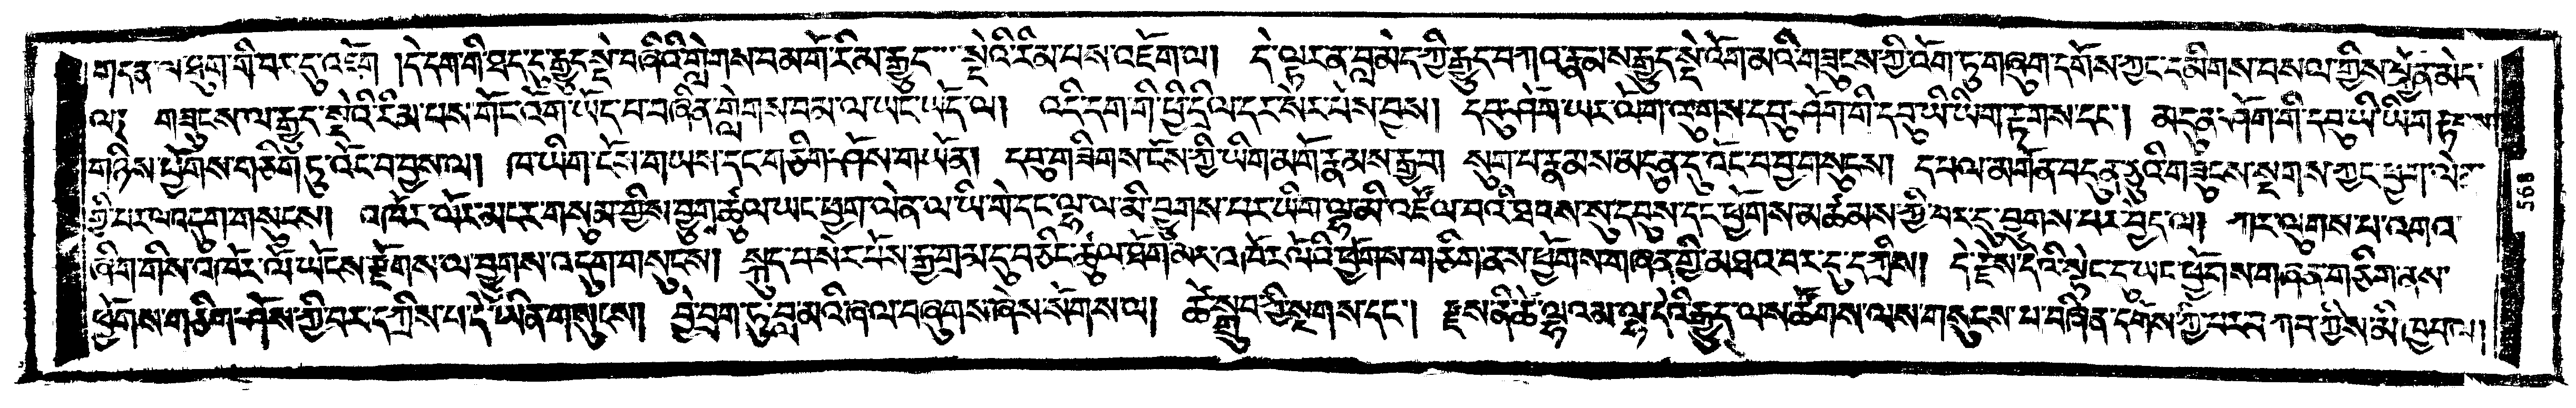གདན་ལ་ཤུག་གི་བར་དུ་འཇོག །དེ་དག་གི་ཐད་དུ་རྒྱུད་སྡེ་བཞིའི་གླེགས་བམ་གོ་རིམ་རྒྱུད་སྡེའི་རིམ་པས་འཇོག་ལ། དེ་ལྟར་ན་བླ་མེད་ཀྱི་རྒྱུད་བཀའ་རྣམས་རྒྱུད་སྡེ་འོག་མའི་གཞུག་དགོས་ཀྱང་དམིགས་བསལ་གྱིས་སྐྱོན་མེད་
ལ། གཟུངས་ལ་རྒྱུད་སྡེའི་རིམ་པས་གོང་འོག་ཡོད་པ་བཞིན་གླེགས་བམ་ལ་ཡང་ཡོད་ལ། འདི་དག་གི་ཕྱི་དྲིལ་དང་སེར་པེས་བྱས། དབུ་ཤོག་ཡང་ལོག་ལུགས་དབུ་ཤོག་གི་དབུ་ཡི་ཡིག་རྟགས་དང་། མདུན་ཤོག་གི་དབུ་ཡི་ཡིག་རྟགས?
གཉིས་ཕྱོགས་གཅིག་ཏུ་འོང་བ་བྱས་ལ། ཁ་ཡིག་ངོས་གཡས་དང་གཅིག་ཤོས་གཡོན། དབུ་གཟིགས་ངོས་ཀྱི་ཡིག་མགོ་རྣམས་རྒྱབ། སུག་པ་རྣམས་མདུན་དུ་འོང་བ་བྱ་གསུངས། དཔལ་མགོན་མདུན་ཅུའི་གཟུངས་སྔགས་ཀྱང་ཕྱག་ལེན་
གྱི་པར་ལ་འདུག་གསུངས། འཁོར་ལོར་མདར་གསུམ་གྱིས་བྱུགས་ཚུལ་ཡང་ཕྱག་ལེན་ལ་ཡི་གེ་དང་ལྷ་ལ་མི་བྱུགས་པར་ཡིག་ལྷ་མི་འཛོལ་བའི་ཐབས་སུ་དབུས་དང་ཕྱོགས་མཚམས་ཀྱི་བར་དུ་བྱུགས་པར་བྱེད་ལ། ཀར་ལུགས་པ་འགའ་
ཞིག་གིས་འཁོར་ལོ་ཡོངས་རྫོགས་ལ་བྱུགས་འདུག་གསུང་། སྐུད་པ་སེར་པོས་རྒྱ་གྲམ་དུ་བཅིང་ཚུལ་ཐོགས་མར་འཁོར་ལོའི་ཕྱོགས་གཅིག་ནས་ཕྱོགས་གཞན་གྱི་མཐའ་བར་དུ་དཀྲིས། རྡོ་རྗེས་དེའི་སྟེང་དུ་ཡང་ཕྱོགས་གཞན་གཅིག་ནས་
ཕྱོགས་གཅིག་ཤོས་ཀྱི་བར་དཀྲིས་པ་དེ་ཡིན་གསུངས། བྱེ་བྲག་ཏུ་བླ་མའི་ཞལ་བཞུགས་ཞེས་སོགས་ལ། ཚེ་སྒྲུབ་ཀྱི་སྔགས་དང་། རྫས་ནི་ཚེ་ལྷའམ་ལྷ་དེའི་རྒྱུད་ལས་ཚོགས་ལས་གསུངས་པ་བཞིན་དགོས་ཀྱི་བར་བཀབ་ཀྱིས་མི་ཁྱབ་ལ།